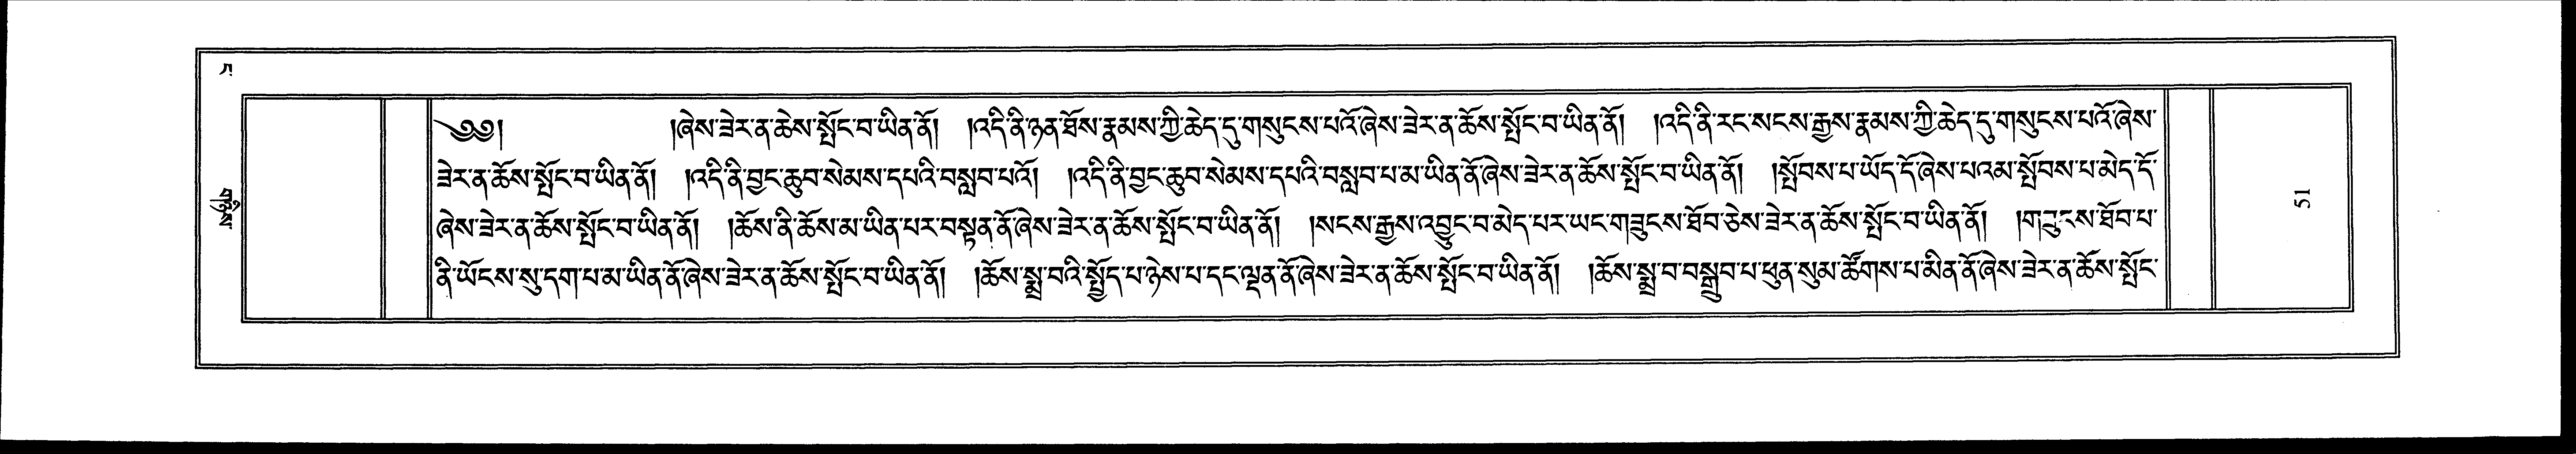༄༅། །ཞེས་ཟེར་ན་ཆེས་སྤོང་བ་ཡིན་ནོ། །འདི་ནི་ཉན་ཐོས་རྣམས་ཀྱི་ཆེད་དུ་གསུངས་པའོ་ཞེས་ཟེར་ན་ཆོས་སྤོང་བ་ཡིན་ནོ། །འདི་ནི་རང་སངས་རྒྱས་རྣམས་ཀྱི་ཆེད་དུ་གསུངས་པའོ་ཞེས་
ཟེར་ན་ཆོས་སྤོང་བ་ཡིན་ནོ། །འདི་ནི་བྱང་ཆུབ་སེམས་དཔའི་བསླབ་པའོ། །འདི་ནི་བྱང་ཆུབ་སེམས་དཔའི་བསླབ་པ་མ་ཡིན་ནོ་ཞེས་ཟེར་ན་ཆོས་སྤོང་བ་ཡིན་ནོ། །སྤོབས་པ་ཡོད་དོ་ཞེས་པའམ་སྤོབས་པ་མེད་དོ་
ཞེས་ཟེར་ན་ཆོས་སྤོང་བ་ཡིན་ནོ། །ཆོས་ནི་ཆོས་མ་ཡིན་པར་བསྟན་ནོ་ཞེས་ཟེར་ན་ཆོས་སྤོང་བ་ཡིན་ནོ། །སངས་རྒྱས་འབྱུང་བ་མེད་པར་ཡང་གཟུངས་ཐོབ་ཅེས་ཟེར་ན་ཆོས་སྤོང་བ་ཡིན་ནོ། །གཟུངས་ཐོབ་པ་
ནི་ཡོངས་སུ་དག་པ་མ་ཡིན་ནོ་ཞེས་ཟེར་ན་ཆོས་སྤོང་བ་ཡིན་ནོ། །ཆོས་སྨྲ་བའི་སྤྱོད་པ་ཉེས་པ་དང་ལྡན་ནོ་ཞེས་ཟེར་ན་ཆོས་སྤོང་བ་ཡིན་ནོ། །ཆོས་སྨྲ་བ་བསྒྲུབ་པ་ཕུན་སུམ་ཚོགས་པ་མིན་ནོ་ཞེས་ཟེར་ན་ཆོས་སྤོང་